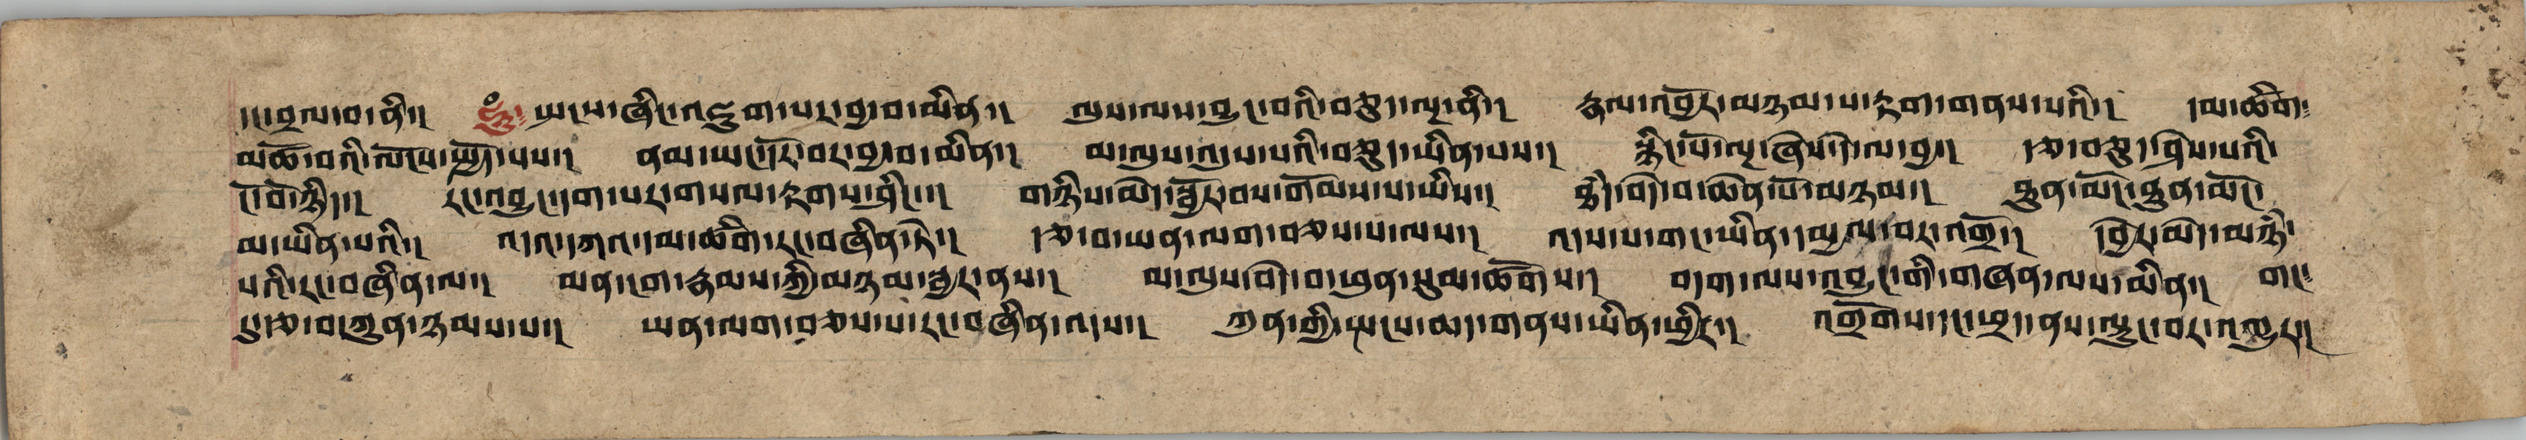དང་བྲལ་བ་ནི་། ཧཱུཾ༴ སྤངས་ཞིང་འཇུག་པར་བྱ་བ་མིན་། ལུས་ལས་བྱུང་བའི་བཅུད་ལྔ་ནི་། རྣལ་འབྱོར་མཉམ་པ་རྟག་གནས་པའི་། དམ་ཚིག་
མཚོ་བའི་ལོངས་སྤྱོད་པས་། ནམ་ཡང་དོར་བར་བྱ་བ་མིན་། མ་ལུས་འདུས་པའི་བཅུད་ཡིན་པས་། སྙིང་པོ་ལྔ་ཞེས་དེ་ལ་བྱ་། རྩ་བཅུད་ཤེས་པའི་
ངོ་བོ་ཉིད་། རང་འབྱུང་དག་པར་གསལ་རྟགས་ཤིང་་། གཉིས་མེད་སྦྱོར་བས་གོམས་པ་ཡིས་། ཐདཾ་བདེ་བ་ཆེན་པོ་མཉམ་། ཐུན་མོང་ཐུན་མོང་
མ་ཡིན་པའི་། འདའ་དཀའ་དམ་ཚིག་རང་བཞིན་ཏེ་། རྩ་བ་ཡན་ལག་བཅས་པ་ལས་། འདས་པ་གང་ཡིན་དམྱལ་བར་འགྲོ་། དབྱེར་མེད་མཉཾ་
པའི་རང་བཞིན་ལ་། མན་ངག་རྣམས་ཀྱི་མཉམ་སྦྱར་ནས་། མ་ལུས་བདེ་བ་ཕུན་སུམ་ཚོགས་། བདག་ལས་འབྱུང་གི་གཞན་ལས་མིན་། གང་
དུ་རྩ་བ་ཀུན་ཉམས་པ་། ཡན་ལག་བཅས་པ་རང་བཞིན་འདས་། ཀུན་གྱི་སྤངས་ཆད་གནས་ཡིན་ཕྱིར་། འགྲོགས་དང་ཕྲད་ནས་ལྟུང་བར་འགྱུར་།